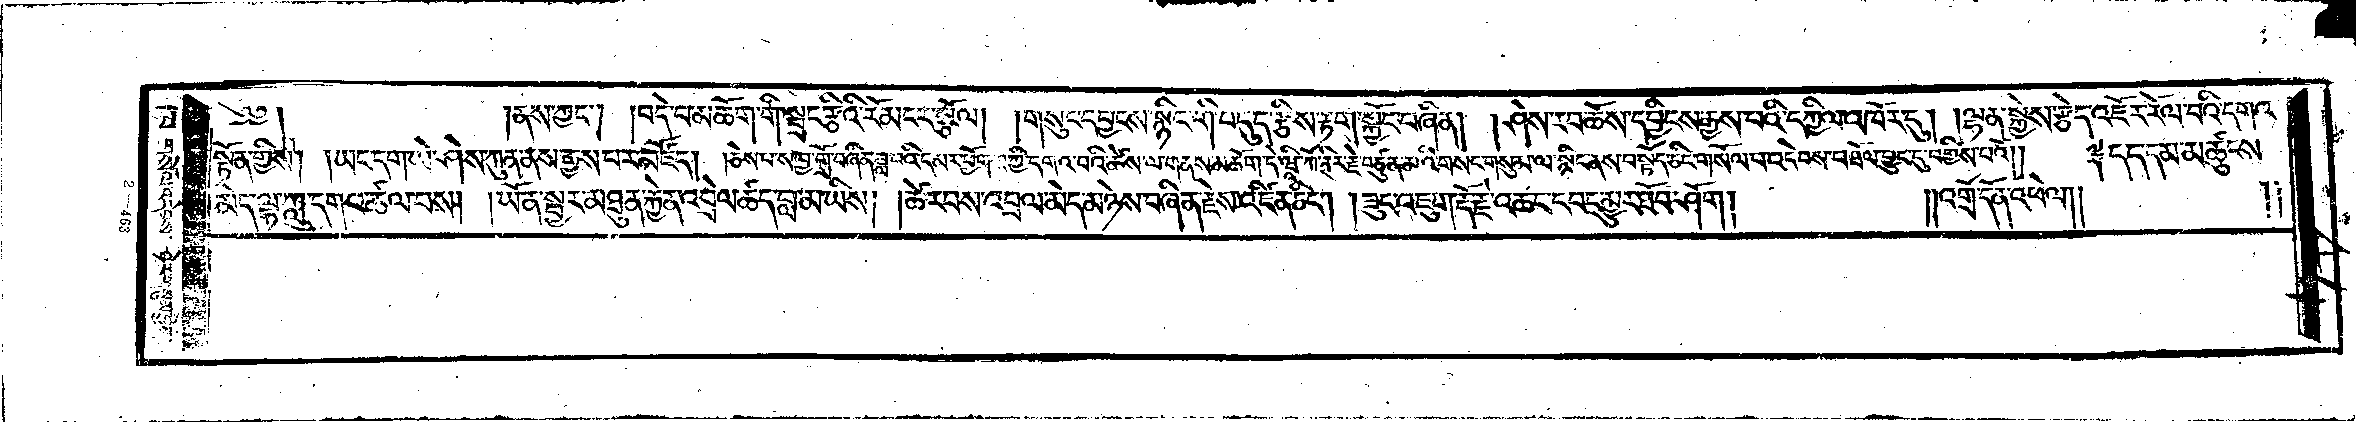༄༅། །ནས་ཀྱང་། །བདེ་པ་མཆོག་གི་སྦྲང་རྩིའི་རོ་མངར་སྩོལ། །གསུང་དབྱངས་སྙིང་གི་བདུད་རྩིས་རྟག་སྐྱོང་བཞིན། །ཤེས་རབ་ཆོས་དབྱིངས་རྒྱས་པའི་དཀྱིལ་འཁོར་དུ། །ལྷན་སྐྱེས་རྩེད་འཇོར་རོལ་བའི་དགའ་
སྟོན་གྱིས། །ཡང་དག་ཡེ་ཤེས་ཀུན་ནས་རྒྱས་པར་མཛོད། །ཅེས་པས་བྱ་གྲོ་བཞིན་ཟླ་བའི་དམར་ཕྱོགས་ཀྱི་དགའ་བའི་ཚེས་ལ་གནས་མཆོག་དེ་ཝི་ཀོ་ཌིར་རྗེ་བཙུན་མའི་གསང་གསུམ་ལ་སྙིང་ནས་བསྟོད་ཅིང་གསོལ་བ་འདེབས་བ་ཐོལ་བྱུང་དུ་བགྱིས་པའོ།།  ༈ དད་དམ་མཚུངས་
མེད་ལྷ་ཀླུ་དགའ་ཚལ་བས། །ཡོན་སྦྱར་མཐུན་རྐྱེན་འབྲེལ་ཚད་བླ་མ་ཡིས། །ཚེ་རབས་འབྲལ་མེད་མཉེས་བཞིན་རྗེས་འཛིན་ཅིང་། །ཟུང་འཇུག་རྡོ་རྗེ་འཆང་དབང་མྱུར་ཐོབ་ཤོག ། །།འགྲོ་དོན་འཕེལ།། །།